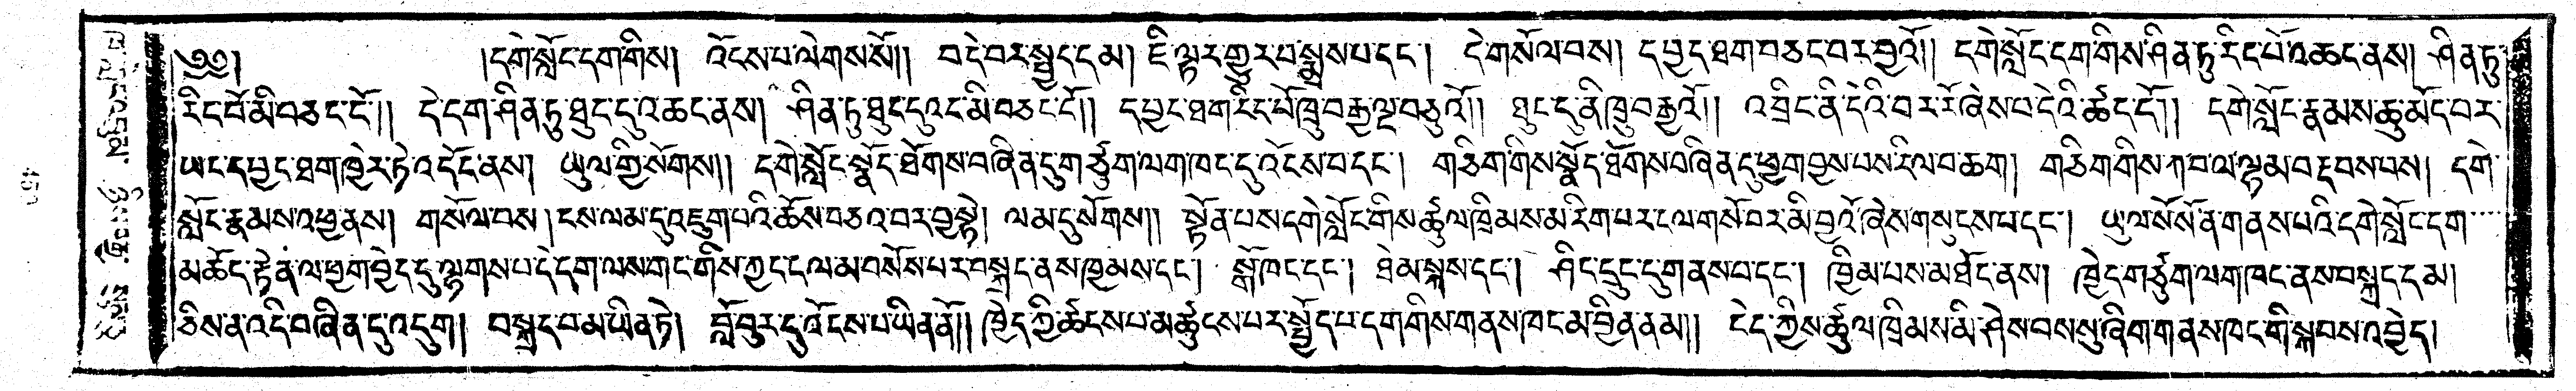༄༅། །དགེ་སློང་དག་གིས། འོངས་པ་ལེགས་སོ། །བདེ་བར་སྦྱད་དམ། ཇི་ལྟར་གྱུར་པ་སྨྲས་པ་དང་། དེ་གསོལ་བས། དབྱད་ཐག་བཅད་བར་བྱའོ། །དགེ་སློང་དག་གིས་ཤིན་ཏུ་རིང་པོ་འཆང་ནས། ཤིན་ཏུ་
རིང་བོ་མི་བཅང་ངོ།། དེ་དག་ཤིན་ཏུ་ཐུང་དུ་འཆང་ནས། ཤིན་ཏུ་ཐུང་དུའང་མི་བཅང་ངོ།། དཔྱང་ཐག་རིང་པོ་ཁྲུ་བརྒྱ་ལྔ་བཅུའོ།། ཐུང་དུ་ནི་ཁྲུ་བརྒྱའོ།། འབྲིང་ནི་དེའི་བར་རོ་ཞེས་བ་དེའི་ཚད་དོ།། དགེ་སློང་རྣམས་ཆུ་མོད་བར་
ཡང་དཔྱད་ཐག་ཁྱེར་ཏེ་འདོང་ནས། ཡུལ་གྱི་སོགས།། དགེ་སློང་སྣོད་ཐོགས་བཞིན་དུ་གཙུག་ལག་ཁང་དུ་འོངས་པ་དང་། གཅིག་གིས་སྣོད་ཐོགས་བཞིན་དུ་ཕྱག་བྱས་པས་རིལ་བ་ཆག། གཅིག་གིས་ཀ་བ་ལ་ལྷམ་བརྡབས་པས། དགེ་
སློང་རྣམས་འཕྱ་ནས། གསོལ་བས། ངས་ལམ་དུ་འཇུག་པའི་ཆོས་བཅའ་བར་བྱ་སྟེ། ལམ་དུ་སོགས།། སྟོན་པས་དགེ་སློང་གིས་ཚུལ་ཁྲིམས་མ་རིག་པར་ངལ་གསོ་བར་མི་བྱའོ་ཞེས་གསུངས་པ་དང་། ཡུལ་སོ་སོ་ན་གནས་པའི་དགེ་སློང་དག་
མཆོད་རྟེན་ལ་ཕྱག་བྱེད་དུ་ལྷགས་པ་དེ་དག་ལས་གང་གིས་ཀྱང་དལ་མ་བསོས་པར་བསྐྲད་ནས་ཁྱམས་དང་། སྒོ་ཁང་དང་། ཐེམ་སྐས་དང་། ཤིང་དྲུང་དུ་གནས་པ་དང་། ཁྱིམ་པས་མཐོང་ནས། ཁྱེད་གཙུག་ལག་ཁང་ནས་བསྐྲད་དམ།
ཅིས་ན་འདི་བཞིན་དུ་འདུག། བསྐྲད་པ་མ་ཡིན་ཏེ། བློ་བུར་དུ་འོངས་པ་ཡིན་ནོ། །ཁྱེད་ཀྱི་ཚངས་པ་མཚུངས་པར་སྤྱོད་པ་དག་གིས་གནས་ཁང་མ་བྱིན་ནམ།། ངེད་ཀྱིས་ཚུལ་ཁྲིམས་མི་ཤེས་བས་སུ་ཞིག་གནས་ཁང་གི་སྐབས་འབྱེད།